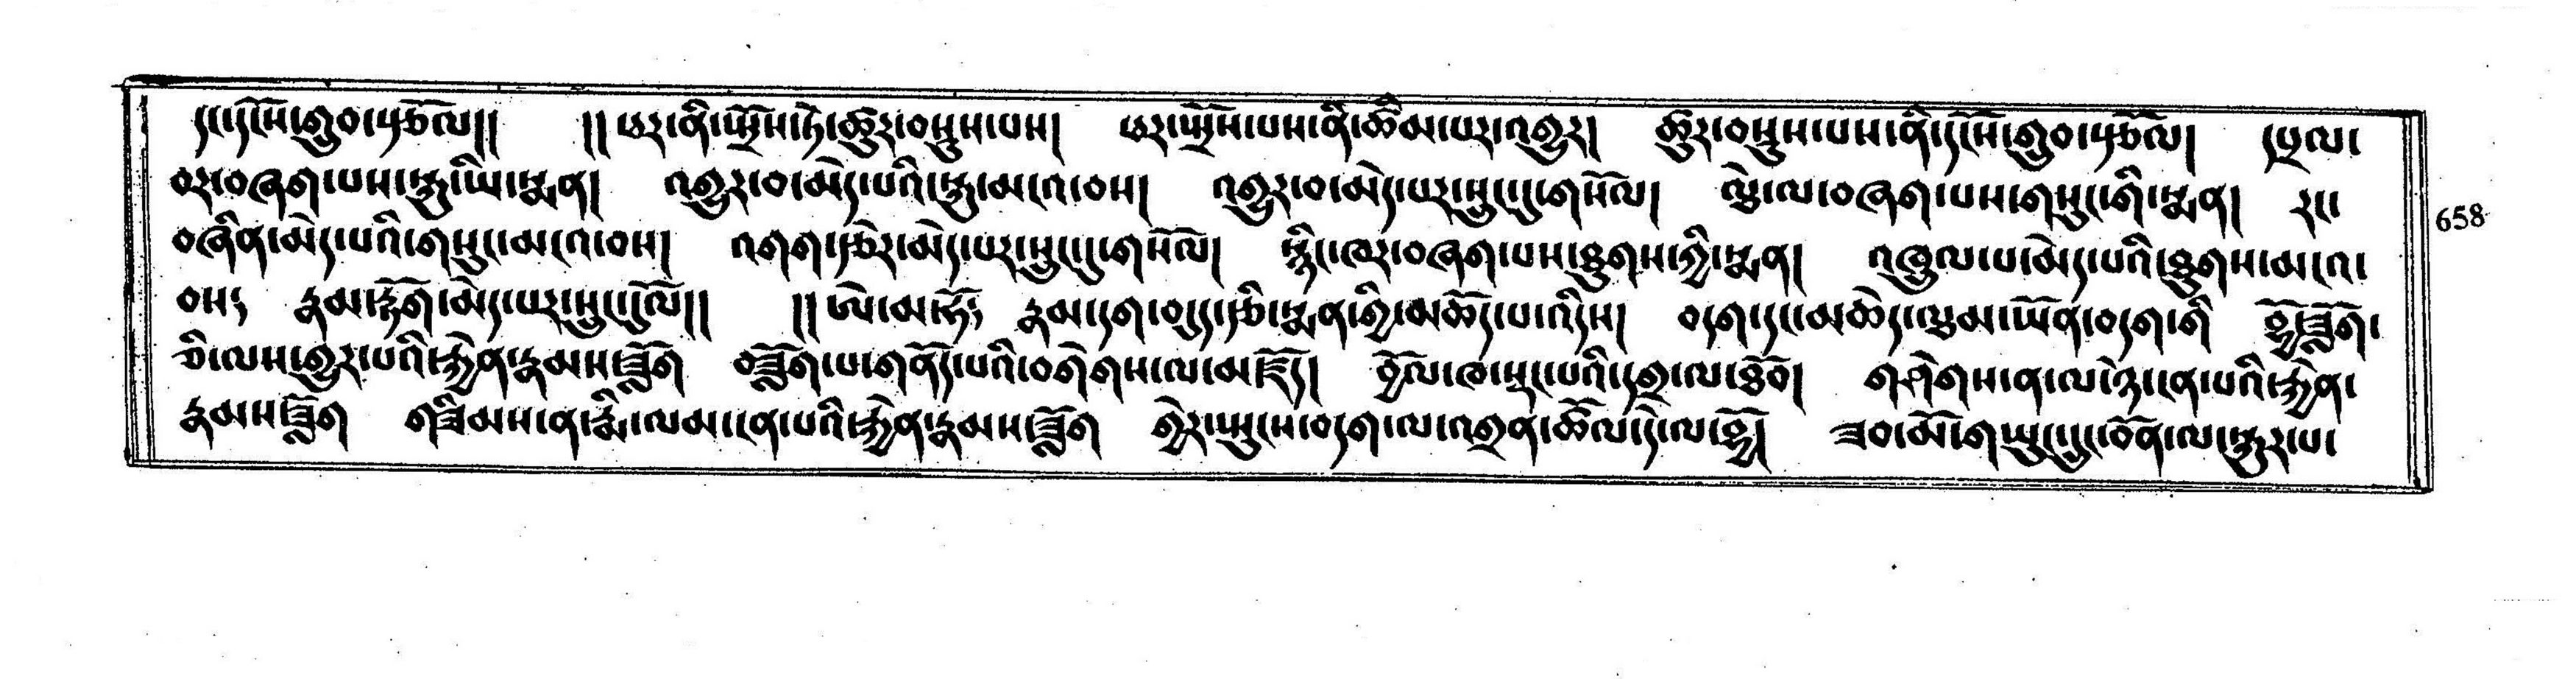དང་དངོས་གྲུབ་སྩོལ།། །།ཕར་ནི་སྤྲོས་ཏེ་ཚུར་བསྡུས་པས། ཕར་སྤྲོས་པས་ནི་ཚིམ་པར་འགྱུར། ཚུར་བསྡུས་པས་ནི་དངོས་གྲུབ་སྩོལ། དཔྲལ་
བར་བཞག་པས་སྐུ་ཡི་སྨན། འགྱུར་བ་མེད་པའི་སྐུ་མངའ་བས། འགྱུར་བ་མེད་པར་སྲུང་དུ་གསོལ། ལྕེ་ལ་བཞག་པས་གསུང་གི་སྨན། རང་
བཞིན་མེད་པའི་གསུང་མངའ་བས། འགག་རྩེར་མེད་པར་སྲུང་དུ་གསོལ། སྙིང་ཁར་བཞག་པས་ཐུགས་ཀྱི་སྨན། འཁྲུལ་པ་མེད་པའི་ཐུགས་མངའ་
བས། རྣམ་རྟོག་མེད་པར་སྲུང་དུ་གསོལ།། །།ཨེ་མ་ཧོ རྣམ་དག་བདུད་རྩི་སྨན་གྱི་མཆོད་པ་འདིས། བདག་དང་མཆེད་ལྕམ་ཡོན་བདག་གི བྷྱོ་ཟློག་
ཅི་ལས་གྱུར་པའི་རྐྱེན་རྣམས་ཟློག བཟློག་པ་གནོད་པའི་བགེགས་ལ་མཛོད། བྱོལ་ཁ་སྡང་པའི་དགྲ་ལ་ཐོབ། གཤེགས་ན་ལ་ཉེ་ངན་པའི་རྐྱེན་
རྣམས་ཟློག གཟིམས་ན་རྨི་ལམ་ངན་པའི་རྐྱེན་རྣམས་ཟློག གྱེར་སྤུངས་བདག་ལ་འགྲན་ཚོལ་དེ་ལ་བྷྱོ། ཟབ་མོ་གཡུང་དྲུང་བོན་ལ་སྐུར་པ་